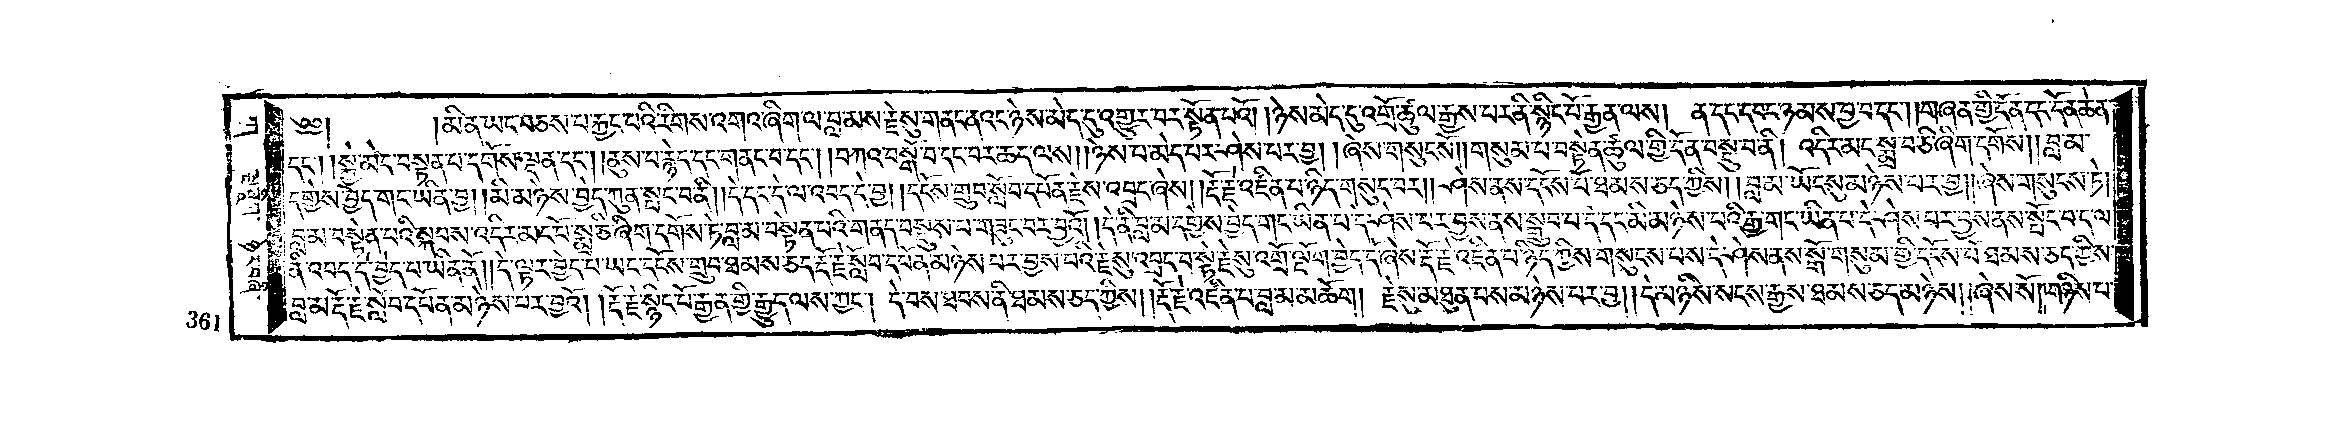༄༅། །མིན་ཡང་བཅས་པ་རྐྱང་པའི་རིགས་འགའ་ཞིག་ལ་བླ་མས་རྗེས་སུ་གནང་ནའང་ཉེས་མེད་དུ་འགྱུར་བར་སྟོན་པའོ། །ཉེས་མེད་དུ་འགྲོ་ཚུལ་རྒྱས་པར་ནི་སྙིང་པོ་རྒྱན་ལས། ན་དང་དབང་ཉམས་བྱ་བ་དང་། །གཞན་གྱི་དོན་དང་དོན་ཆེན་
དང་། །སྐྱེ་མེད་བསྟན་པ་དགོས་ལྡན་དང་། །ནུས་པ་རྙེད་དང་གནང་བ་དང་། །བཀའ་བསྒོ་བ་དང་བར་ཆད་ལས། །ཉེས་པ་མེད་པར་ཤེས་པར་བྱ། །ཞེས་གསུངས་སོ། །གསུམ་པ་བསྟེན་ཚུལ་གྱི་དོན་བསྡུ་བ་ནི། འདིར་མང་སྨྲ་བ་ཅི་ཞིག་དགོས། །བླ་མ་
དགྱེས་བྱེད་གང་ཡིན་བྱ། །མི་མཉེས་བྱེད་ཀུན་སྤང་བ་ནི། །དེ་དང་དེ་ལ་འབད་དེ་བྱ། །དངོས་གྲུབ་སློབ་དཔོན་རྗེས་འབྲང་ཞེས། །རྡོ་རྗེ་འཛིན་པ་ཉིད་གསུང་བར། །ཤེས་ནས་དངོས་པོ་ཐམས་ཅད་ཀྱིས། །བླ་མ་ཡོངས་སུ་མཉེས་པར་བྱ། །ཞེས་གསུངས་ཏེ།
བླ་མ་བསྟེན་པའི་སྐབས་འདིར་མང་པོ་སྨྲ་ཅི་ཞིག་དགོས་ཏེ་བླ་མ་བསྟེན་པའི་གནད་བསྡུས་པ་གཟུང་བར་བྱའོ། །དེ་ནི་བླ་མ་དགྱེས་བྱེད་གང་ཡིན་པ་དེ་ཤེས་པར་བྱས་ནས་སྒྲུབ་པ་དེ་དང་མི་མཉེས་པའི་རྒྱ་གང་ཡིན་པ་དེ་ཤེས་པར་བྱས་ནས་སྤོང་བ་ད་ལ་
ནི་འབད་དེ་བྱེད་པ་ཡིན་ནོ། །དེ་ལྟར་བྱེད་པ་ཡང་དངོས་གྲུབ་ཐམས་ཅད་རྡོ་རྗེ་སློབ་དཔོན་མཉེས་པར་བྱས་པའི་རྗེས་སུ་འབྲད་བ་སྟེ་རྗེས་སུ་འགྲོ་ལྡོག་བྱེད་དོ་ཞེས་རྡོ་རྗེ་འཛིན་པ་ཉིད་ཀྱིས་གསུངས་པས་དེ་ཤེས་ནས་སྒོ་གསུམ་གྱི་དངོས་པོ་ཐམས་ཅད་ཀྱིས་
བླ་མ་རྡོ་རྗེ་སློབ་དཔོན་མཉེས་པར་བྱའོ། །རྡོ་རྗེ་སྙིང་པོ་རྒྱན་གྱི་རྒྱུད་ལས་ཀྱང་། དེ་བས་ཐབས་ནི་ཐམས་ཅད་ཀྱིས། །རྡོ་རྗེ་འཛིན་པ་བླ་མ་མཆོག །རྗེས་སུ་མཐུན་པས་མཉེས་པར་བྱ། །དེ་མཉིས་སངས་རྒྱས་ཐམས་ཅད་མཉེས། །ཞེས་སོ། །གཉིས་པ་